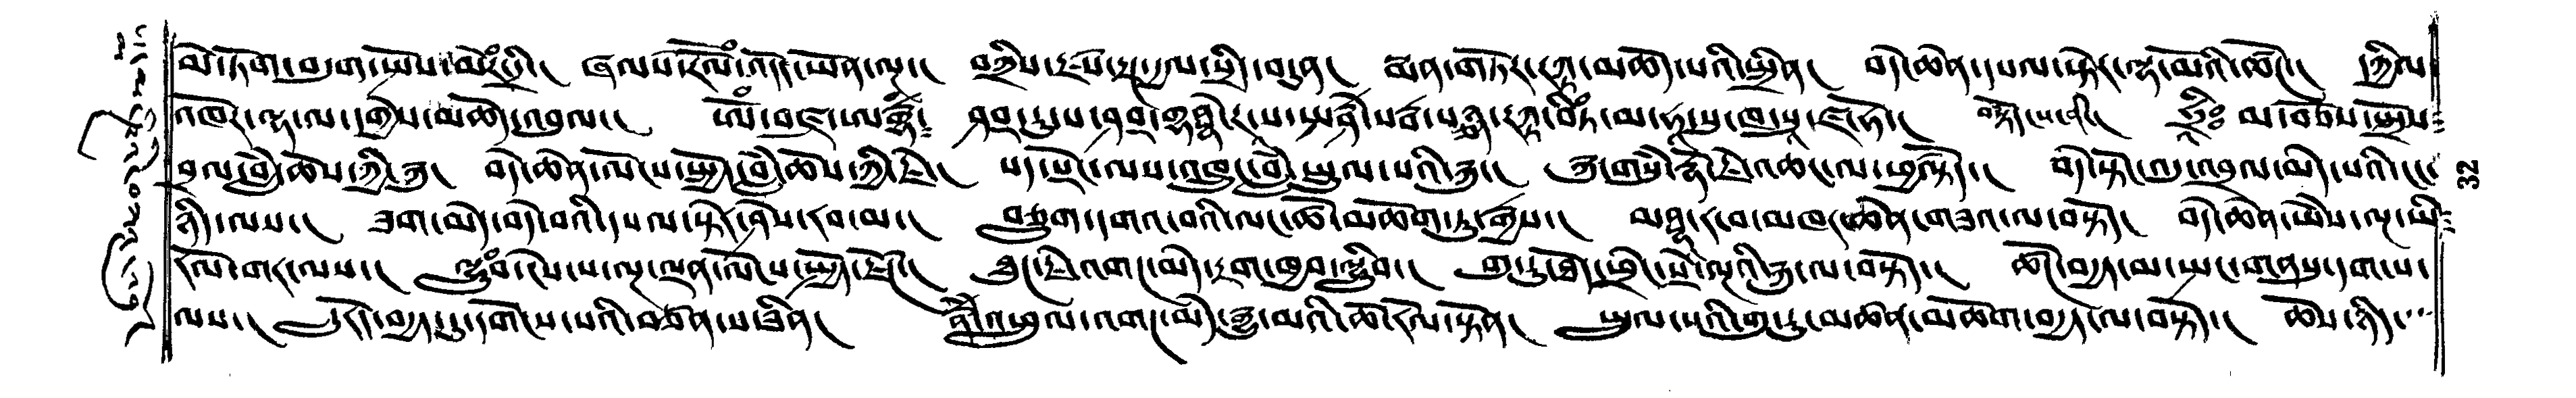མེ་ཏོག་བདུག་སྤོས་མར་མེ་དྲི། །ཞལ་ཟས་རོལ་མོ་འདོད་ཡོན་ལྔ། །བཀྲ་ཤིས་རྫས་རྟགས་རྒྱལ་སྲིད་བདུན། །སྨན་གཏོར་རཀྟ་མཆོད་པའི་སྤྲིན། །བདེ་ཆེན་དཔལ་སྟེར་ལྷ་མོའི་ཚོགས། །དཀྱིལ་
འཁོར་ལྷ་ལ་དགྱེས་མཆོད་འབུལ། །ཨོཾ་བཛྲ་ཨརྒྷཾ༴ ཤབྡ། རུ་པ་ཤབྡ་གྷནྡྷེ་རཱ་ས་སྤརྴེ་སརྦ་པཉྩ་རཀྟ་བ་ལིངྟ་མ་ཧཱ་སུ་ཁ་པཱུ་ཛ་ཧོཿ བསྟོད་པ་ནི། ཧྲཱིཿ མ་བཅོས་སྤྲོས་
བྲལ་བླ་མ་ཆོས་ཀྱི་སྐུ། །བདེ་ཆེན་ལོངས་སྤྱོད་བླ་མ་ཆོས་ཀྱི་རྗེ། །པད་སྡོང་ལས་འཁྲུངས་བླ་མ་སྤྲུལ་པའི་སྐུ། །སྐུ་གསུམ་རྡོ་རྗེ་འཆང་ལ་ཕྱག་འཚལ་བསྟོད། །བདེ་སྟོང་འདུ་འབྲལ་མེད་པའི་ངང་
ཉིད་ལས། །ཟག་མེད་བདེ་བའི་དཔལ་སྟེར་ཤེས་རབ་མ། །བཅུ་དྲུག་དགའ་བའི་ལང་ཚོ་མཆོག་ཏུ་རྒྱས། །མནྡྷ་ར་བ་མཁར་ཆེན་བཟའ་ལ་བསྟོད། །བདེ་ཆེན་ཡེ་ཤེས་ལྔ་ཡི་
རོལ་གར་ལ། །ལྷུན་གྲུབ་ངེས་པ་ལྔ་ལྡན་ལོངས་སྤྱོད་རྫོགས། །ཐུགས་རྗེ་འགགས་མེད་རྟག་ཁྱབ་ལྷུན་གྲུབ་ཀྱི། །གུ་རུ་ཐོད་ཕྲེང་སྡེ་ལྔའི་སྐུ་ལ་བསྟོད། །ཚོགས་བརྒྱད་མ་སྤངས་གནས་སུ་དག་པ་
ལས། །དུར་ཁྲོད་བརྒྱད་དུ་དགོངས་པའི་བཙན་ས་ཟིན། །རྣམ་འཕྲུལ་འགགས་མེད་སྒྱུ་མའི་ཆོ་རོལ་སྟོན། །སྤྲུལ་པའི་གུ་རུ་མཚན་མཆོག་བརྒྱད་ལ་བསྟོད། །ཆོས་ཉིད་